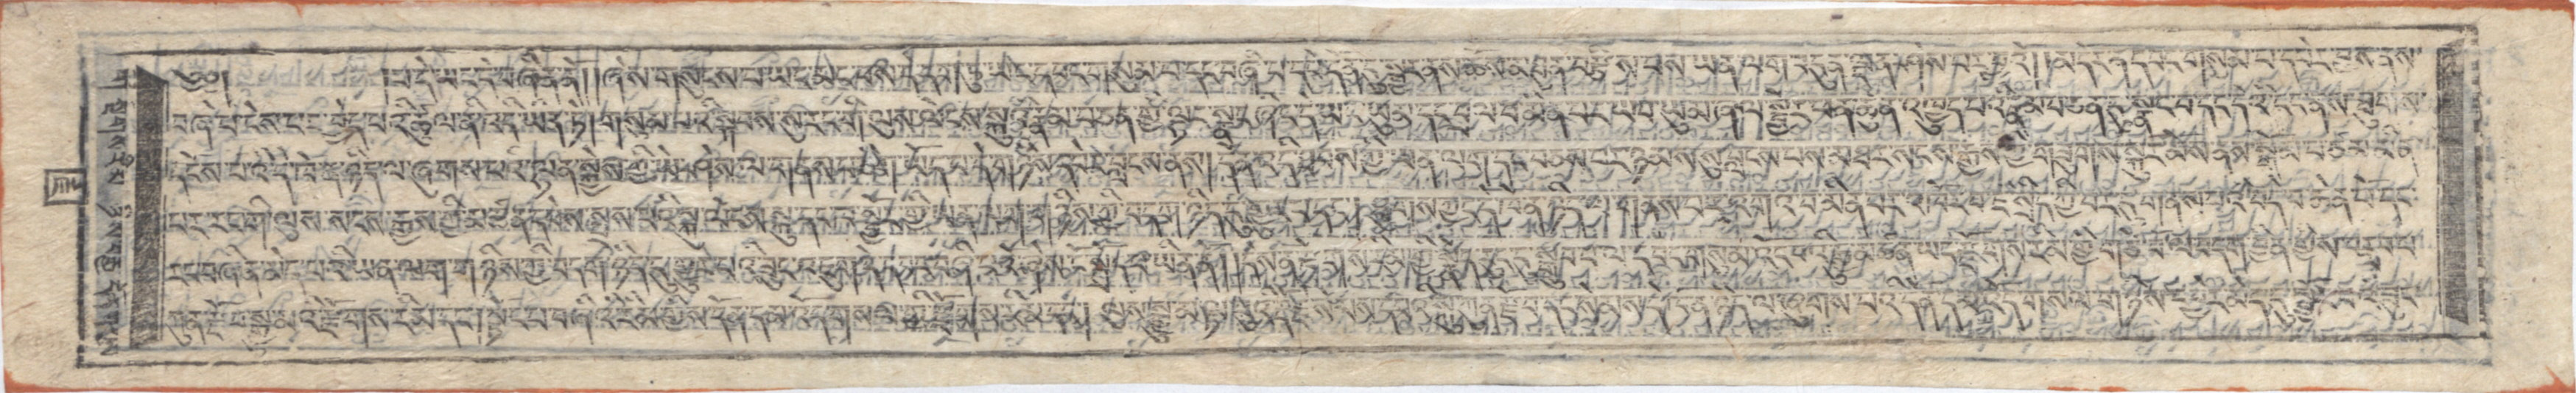༄༅། །པ་དེ་ཡང་དེ་བཞིན་ནོ། །ཞེས་གསུངས་པ་ཡང་མང་བས་དེ་དག་ཏུ་ཡང་དབང་གསུམ་པ་དང་བཞི་པ་དཔེ་དོན་དུ་སྦྱར་ནས་ཆོས་མཐུན་བརྩིས་པས་ཡན་ལག་བདུན་ལྡན་ཤེས་པར་བྱའོ། །མདོར་ན་དབང་གསུམ་པ་དཔེར་བྱས་ནས་
བཞི་པ་ངེས་པར་བྱེད་པའི་ཚུལ་ནི་འདི་ཡིན་ཏེ། གསུམ་པའི་སྐབས་སུ་རང་གི་ལུས་ལོངས་སྐུའི་རྣམ་པ་ཅན་གྱི་ལྷར་སྣང་ཞིང་དེ་ཡང་ཡུམ་དང་བྲལ་བ་མིན་པར་ཡབ་ཡུམ་ཞལ་སྦྱོར་ཕན་ཚུན་འཁྱུད་པའི་རྣམ་པ་ཅན་དུ་སྣང་བ་དང་དེའི་ངང་ནས་ཐུགས་
དངོས་པོའི་དེ་ཁོ་ན་ཉིད་ལ་ཞུགས་པའི་ལྷན་སྐྱེས་ཀྱི་ཡེ་ཤེས་ལ་གནས་པ་ཅིག་ཡོད་པ་དེ་གཉིས་དཔེར་བླངས་ནས། དོན་འདི་ཐབས་ཀྱི་ཡན་ལག་དང་བཅས་པར་ཉམས་སུ་བླངས་པས་མཐར་སངས་རྒྱས་ཀྱི་གཟུགས་སྐུར་མོས་ནས་སྒོམ་པ་ཙམ་མིན་
པར་རང་གི་ལུས་སངས་རྒྱས་ཀྱི་མཚན་དཔེས་སྤྲས་པའི་སྐུ་ལོངས་སྐུ་དང་ཁ་སྦྱོར་གྱི་ཡན་ལག་གཉིས་ཀྱི་བདག་ཉིད་དུ་གྱུར་པ་དང་། ཐུགས་ཀྱང་དེ་ཁོ་ན་ཉིད་ལ་གནས་པ་རེ་འགའ་བ་མིན་པར་འཁོར་བ་ཇི་སྲིད་ཀྱི་བར་དུ་གནས་པའི་བདེ་བ་ཆེན་པོ་དང་
རང་བཞིན་མེད་པའི་ཡན་ལག་གཉིས་ཀྱི་བདག་ཉིད་དུ་གྱུར་པའི་ཟུང་འཇུག་དེ་དབང་བཞི་པའོ་ཞེས་ངོ་སྤྲོད་པ་ཡིན་ནོ། །དེས་ན་རྫོགས་རིམ་གྱི་སྣོད་རུང་དུ་སྒྲུབ་པ་ལ་དབང་གསུམ་འོང་བའི་རྒྱུ་མཚན་ཡང་རྫོགས་རིམ་གྱི་གཙོ་བོ་ལ་བདག་བྱིན་གྱིས་བརླབ་པ་
ཀུན་རྫོབ་སྒྱུ་མའི་རྫོགས་རིམ་དང་། སྟོང་པ་བཞིའི་རིམ་གྱིས་དོན་དམ་འོད་གསལ་གྱི་རྫོགས་རིམ་དང་། ལུས་སྒྱུ་མ་ལྟ་བུའི་རྡོ་རྗེ་སེམས་དཔའི་སྐུ་ཀུན་རྫོབ་དང་སེམས་དེ་ཁོ་ན་ཉིད་ལ་ཞུགས་པའི་དོན་དམ་འོད་གསལ་གཉིས་དབྱེར་མེད་དུ་སྦྱོར་བའི་ཟུང་